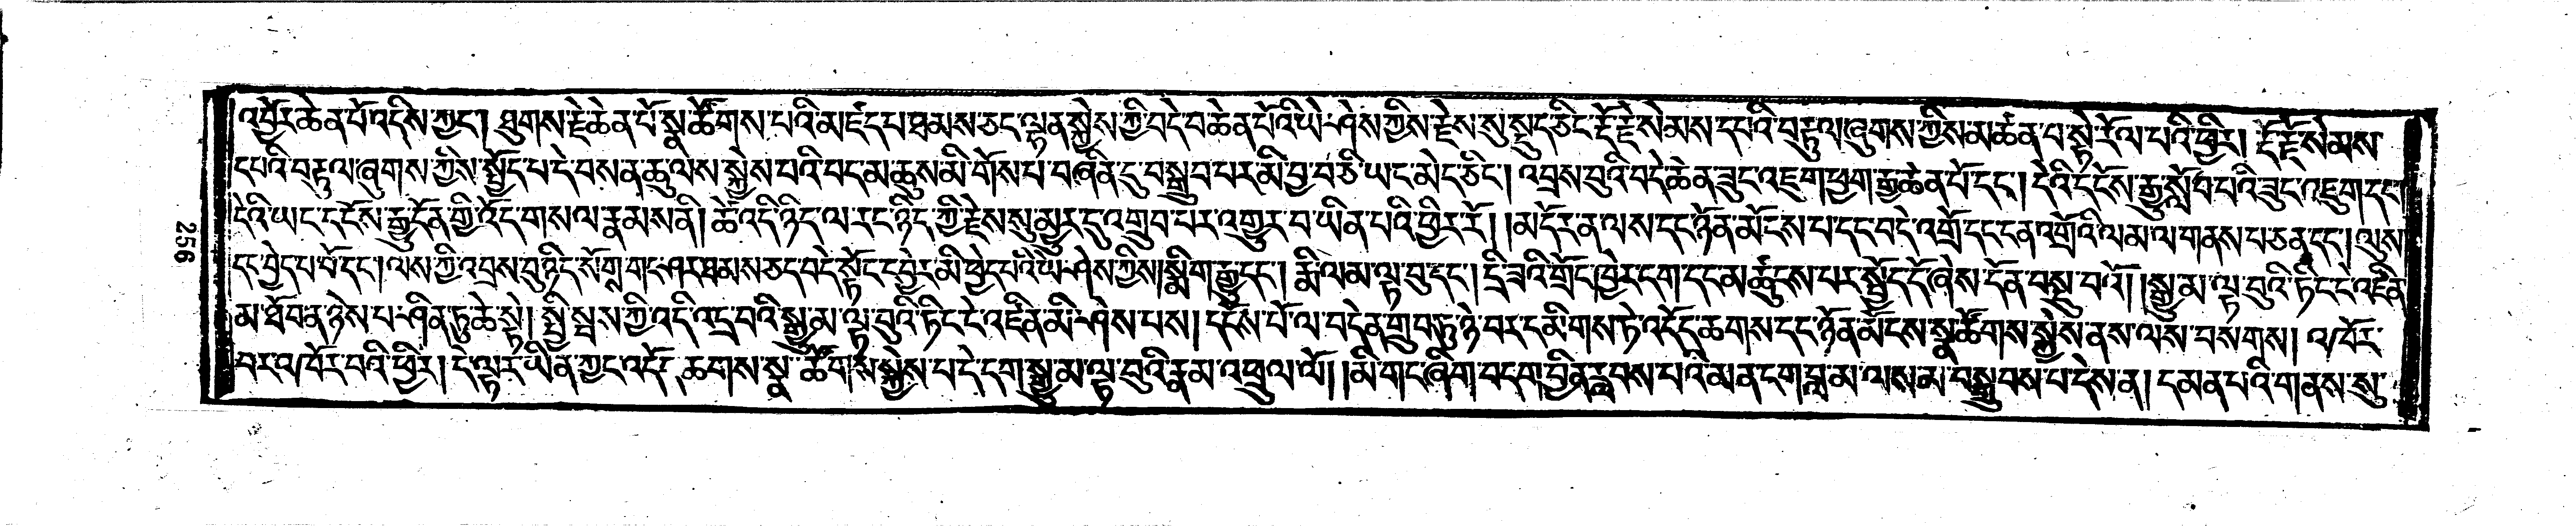འབྱོར་ཆེན་པོ་འདིས་ཀྱང་། ཐུགས་རྗེ་ཆེན་པོ་སྣ་ཚོགས་པའི་མཛད་པ་ཐམས་ཅད་ལྷན་སྐྱེས་ཀྱི་བདེ་བ་ཆེན་པོའི་ཡེ་ཤེས་ཀྱིས་རྗེས་སུ་སྡུད་ཅིང་རྡོ་རྗེ་སེམས་དཔའི་བརྟུལ་ཞུགས་ཀྱིས་མཚན་པ་སྟེ་རོལ་པའི་ཕྱིར། རྡོ་རྗེ་སེམས་
དཔའི་བརྟུལ་ཞུགས་ཀྱིས་སྤྱོད་པ་དེ་བས་ན་ཆུ་ལས་སྐྱེས་པའི་པད་མ་ཆུས་མི་གོས་པ་བཞིན་དུ་བསྒྲུབ་པར་མི་བྱ་བ་ཅི་ཡང་མེད་ཅིང་། འབྲས་བུའི་བདེ་ཆེན་ཟུང་འཇུག་ཕྱག་རྒྱ་ཆེན་པོ་དང་། དེའི་དངོས་རྒྱུ་སློབ་པའི་ཟུང་འཇུག་དང་
དེའི་ཡང་དངོས་རྒྱུ་དོན་གྱི་འོད་གསལ་རྣམས་ནི། ཚེ་འདི་ཉིད་ལ་རང་ཉིད་ཀྱི་རྗེས་སུ་མྱུར་དུ་འགྲུབ་པར་འགྱུར་བ་ཡིན་པའི་ཕྱིར་རོ། །མདོར་ན་ལས་དང་ཉོན་མོངས་པ་དང་བདེ་འགྲོ་དང་ངན་འགྲོའི་ལམ་ལ་གནས་པ་ཅན་དང་། ལུས་
དང་བྱེད་པ་པོ་དང་། ལས་ཀྱི་འབྲས་བུ་ཉིད་སོགས་གང་ཤར་ཐམས་ཅད་བདེ་སྟོང་དབྱེར་མི་ཕྱེད་པའི་ཡེ་ཤེས་ཀྱིས། སྨིག་རྒྱུ་དང་། རྨི་ལམ་ལྟ་བུ་དང་། དྲི་ཟའི་གྲོང་ཁྱེར་དག་དང་མཚུངས་པར་སྤྱོད་དོ་ཞེས་དོན་བསྡུ་བའོ། །སྒྱུ་མ་ལྟ་བུའི་ཏིང་ངེ་འཛིན་
མ་ཐོབ་ན་ཉེས་པ་ཤིན་ཏུ་ཆེ་སྟེ། སྤྱི་སྦས་ཀྱི་འདི་འདྲ་བའི་སྒྱུ་མ་ལྟ་བུའི་ཏིང་ངེ་འཛིན་མི་ཤེས་པས། དངོས་པོ་ལ་བདེན་གྲུབ་ཏུ་ཉེ་བར་དམིགས་ཏེ་འདོད་ཆགས་དང་ཉོན་མོངས་སྣ་ཚོགས་སྐྱེས་ནས་ལས་བསགས། འཁོར་
བར་འཁོར་བའི་ཕྱིར། དེ་ལྟར་ཡིན་ཀྱང་འདོད་ཆགས་སྣ་ཚོགས་སྐྱེས་པ་དེ་དག་སྒྱུ་མ་ལྟ་བུའི་རྣམ་འཕྲུལ་ལོ། །མི་གང་ཞིག་བདག་བྱིན་རླབས་པའི་མན་ངག་བླ་མ་ལས་མ་བསྒྲུབས་པ་དེས་ན། དམན་པའི་གནས་སུ་